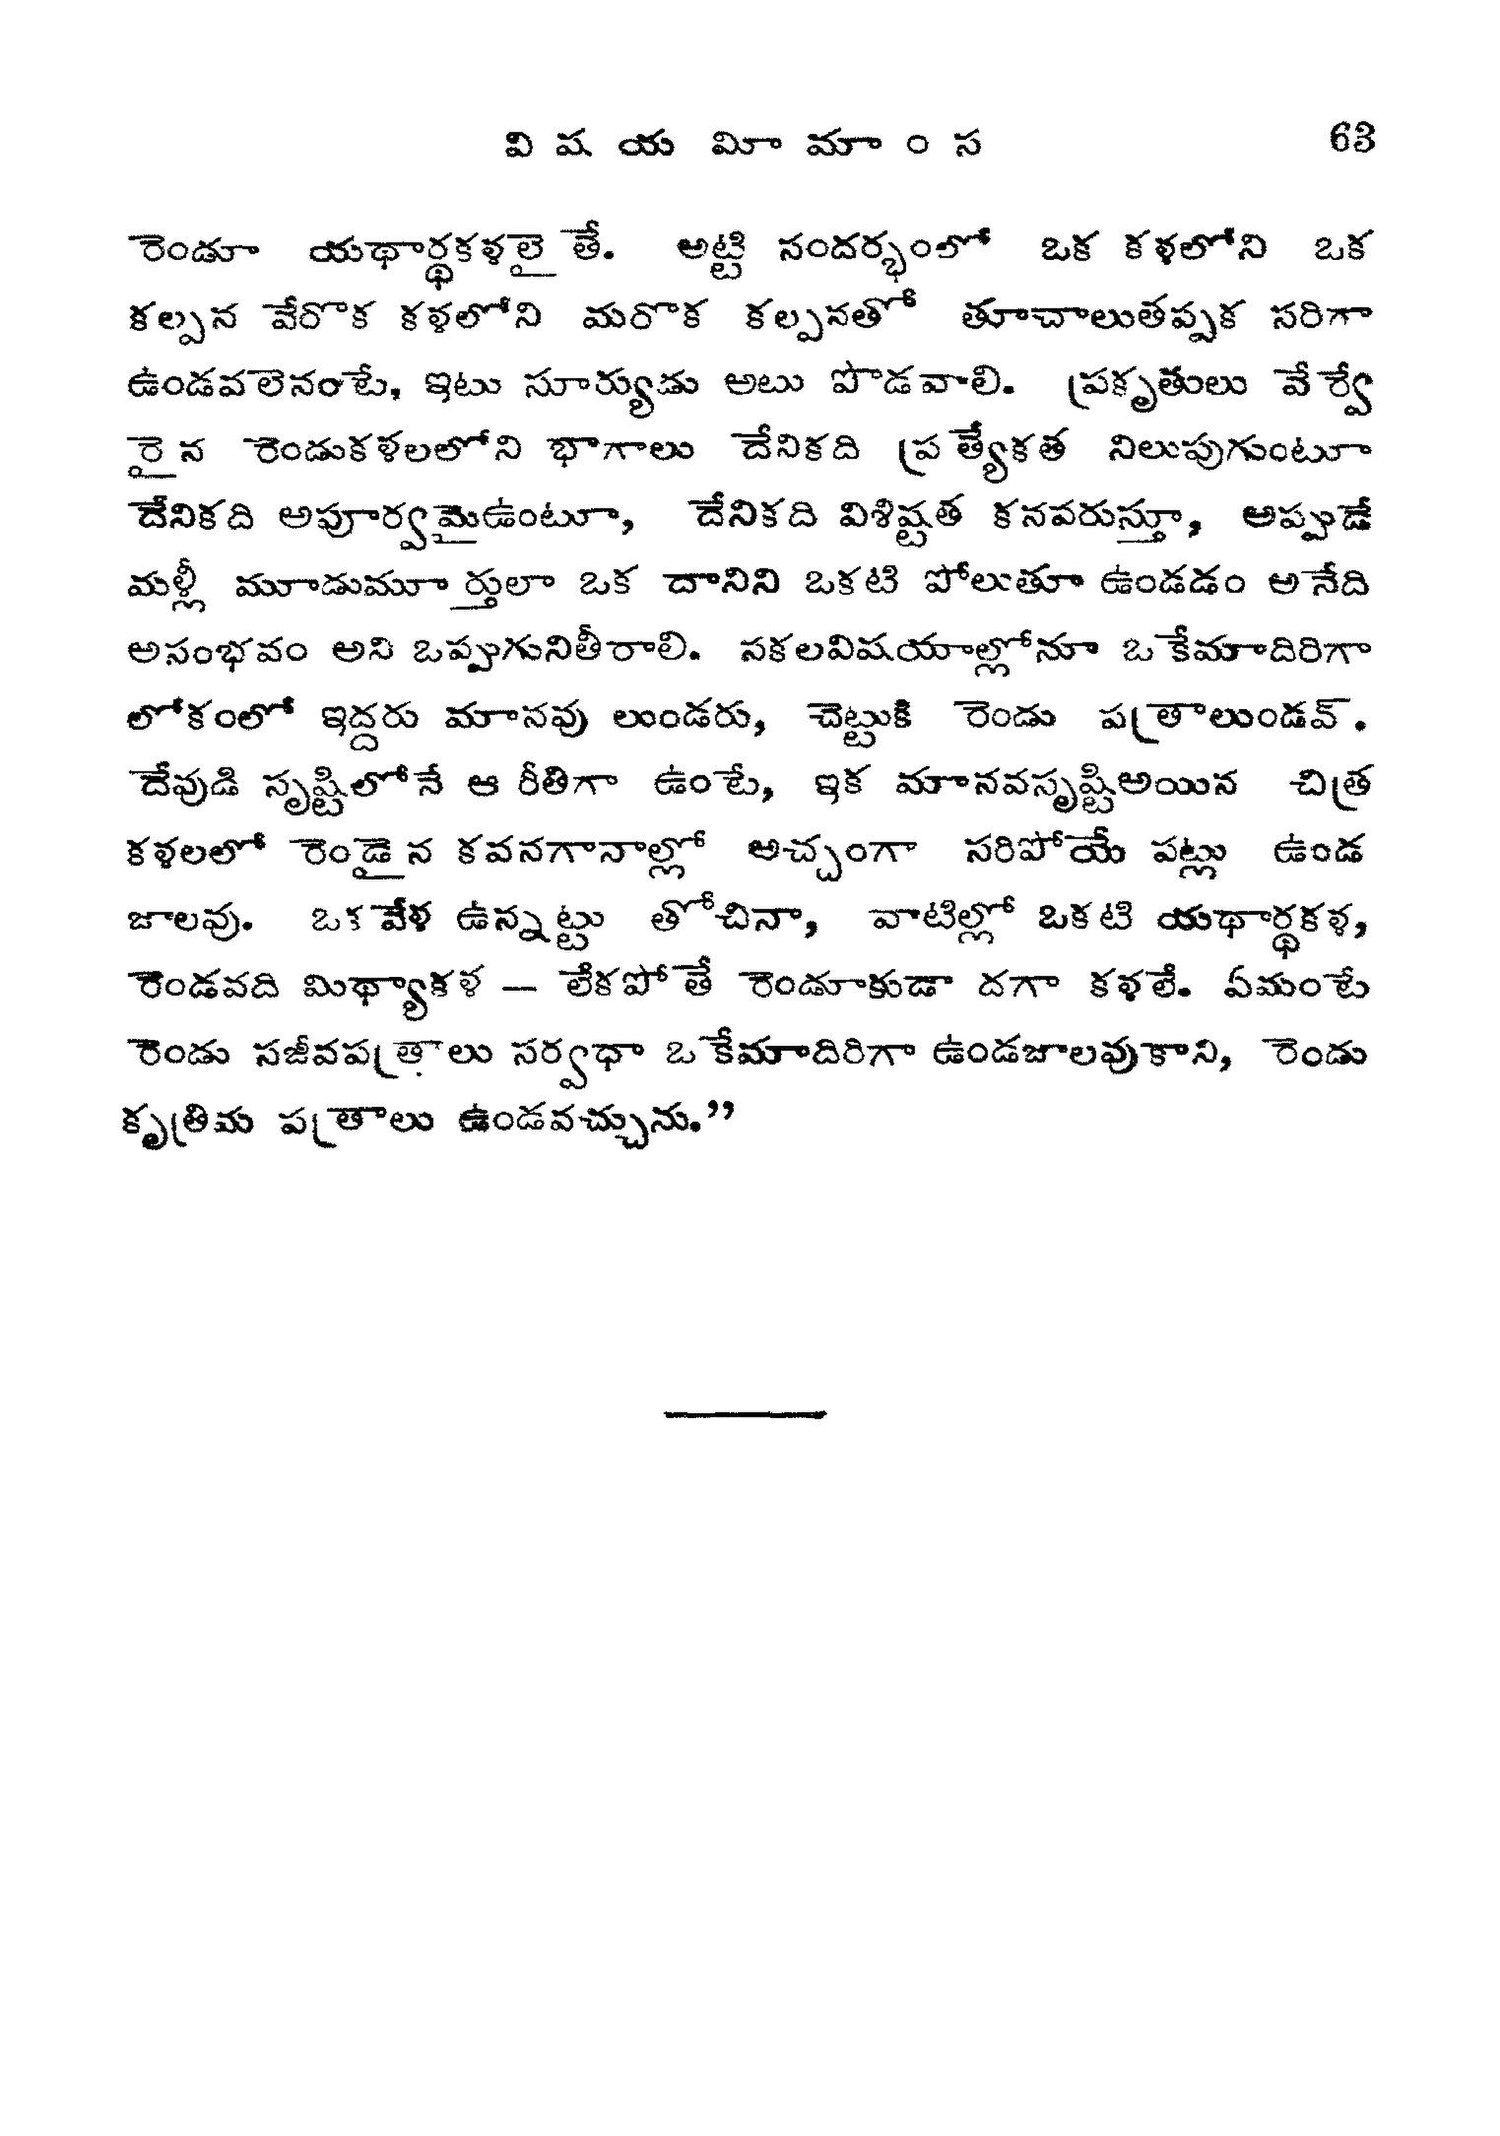రెండూ యథార్థకళలైతే. అట్టి సందర్భంలో ఒక కళలోని ఒక
కల్పన వేరొక కళలోని మరొక కల్పనతో తూచాలుతప్పక సరిగా
ఉండవలెనంటే, ఇటు సూర్యుడు అటు పొడవాలి. ప్రకృతులు వేర్వే
రైన రెండుకళలలోని భాగాలు దేనికది ప్రత్యేకత నిలుపుగుంటూ
దేనికది అపూర్వమైఉంటూ, దేనికది విశిష్టత కనపరుస్తూ, అప్పుడే
మళ్లీ మూడుమూర్తులా ఒక దానిని ఒకటి పోలుతూ ఉండడం అనేది
అసంభవం అని ఒప్పుగునితీరాలి. సకలవిషయాల్లోనూ ఒకేమాదిరిగా
లోకంలో ఇద్దరు మానవు లుండరు, చెట్టుకి రెండు పత్రాలుండవ్ .
దేవుడి సృష్టిలోనే ఆ రీతిగా ఉంటే, ఇక మానవసృష్టిఅయిన చిత్ర
కళలలో రెండైన కవనగానాల్లో అచ్చంగా సరిపోయే పట్లు ఉండ
జాలవు. ఒకవేళ ఉన్నట్టు తోచినా, వాటిల్లో ఒకటి యథార్థకళ,
రెండవది మిథ్యాకళ — లేకపోతే రెండూకుడా దగా కళలే. ఏమంటే
రెండు సజీవపత్రాలు సర్వధా ఒకేమాదిరిగా ఉండజాలవుకాని, రెండు
కృత్రిమ పత్రాలు ఉండవచ్చును.”